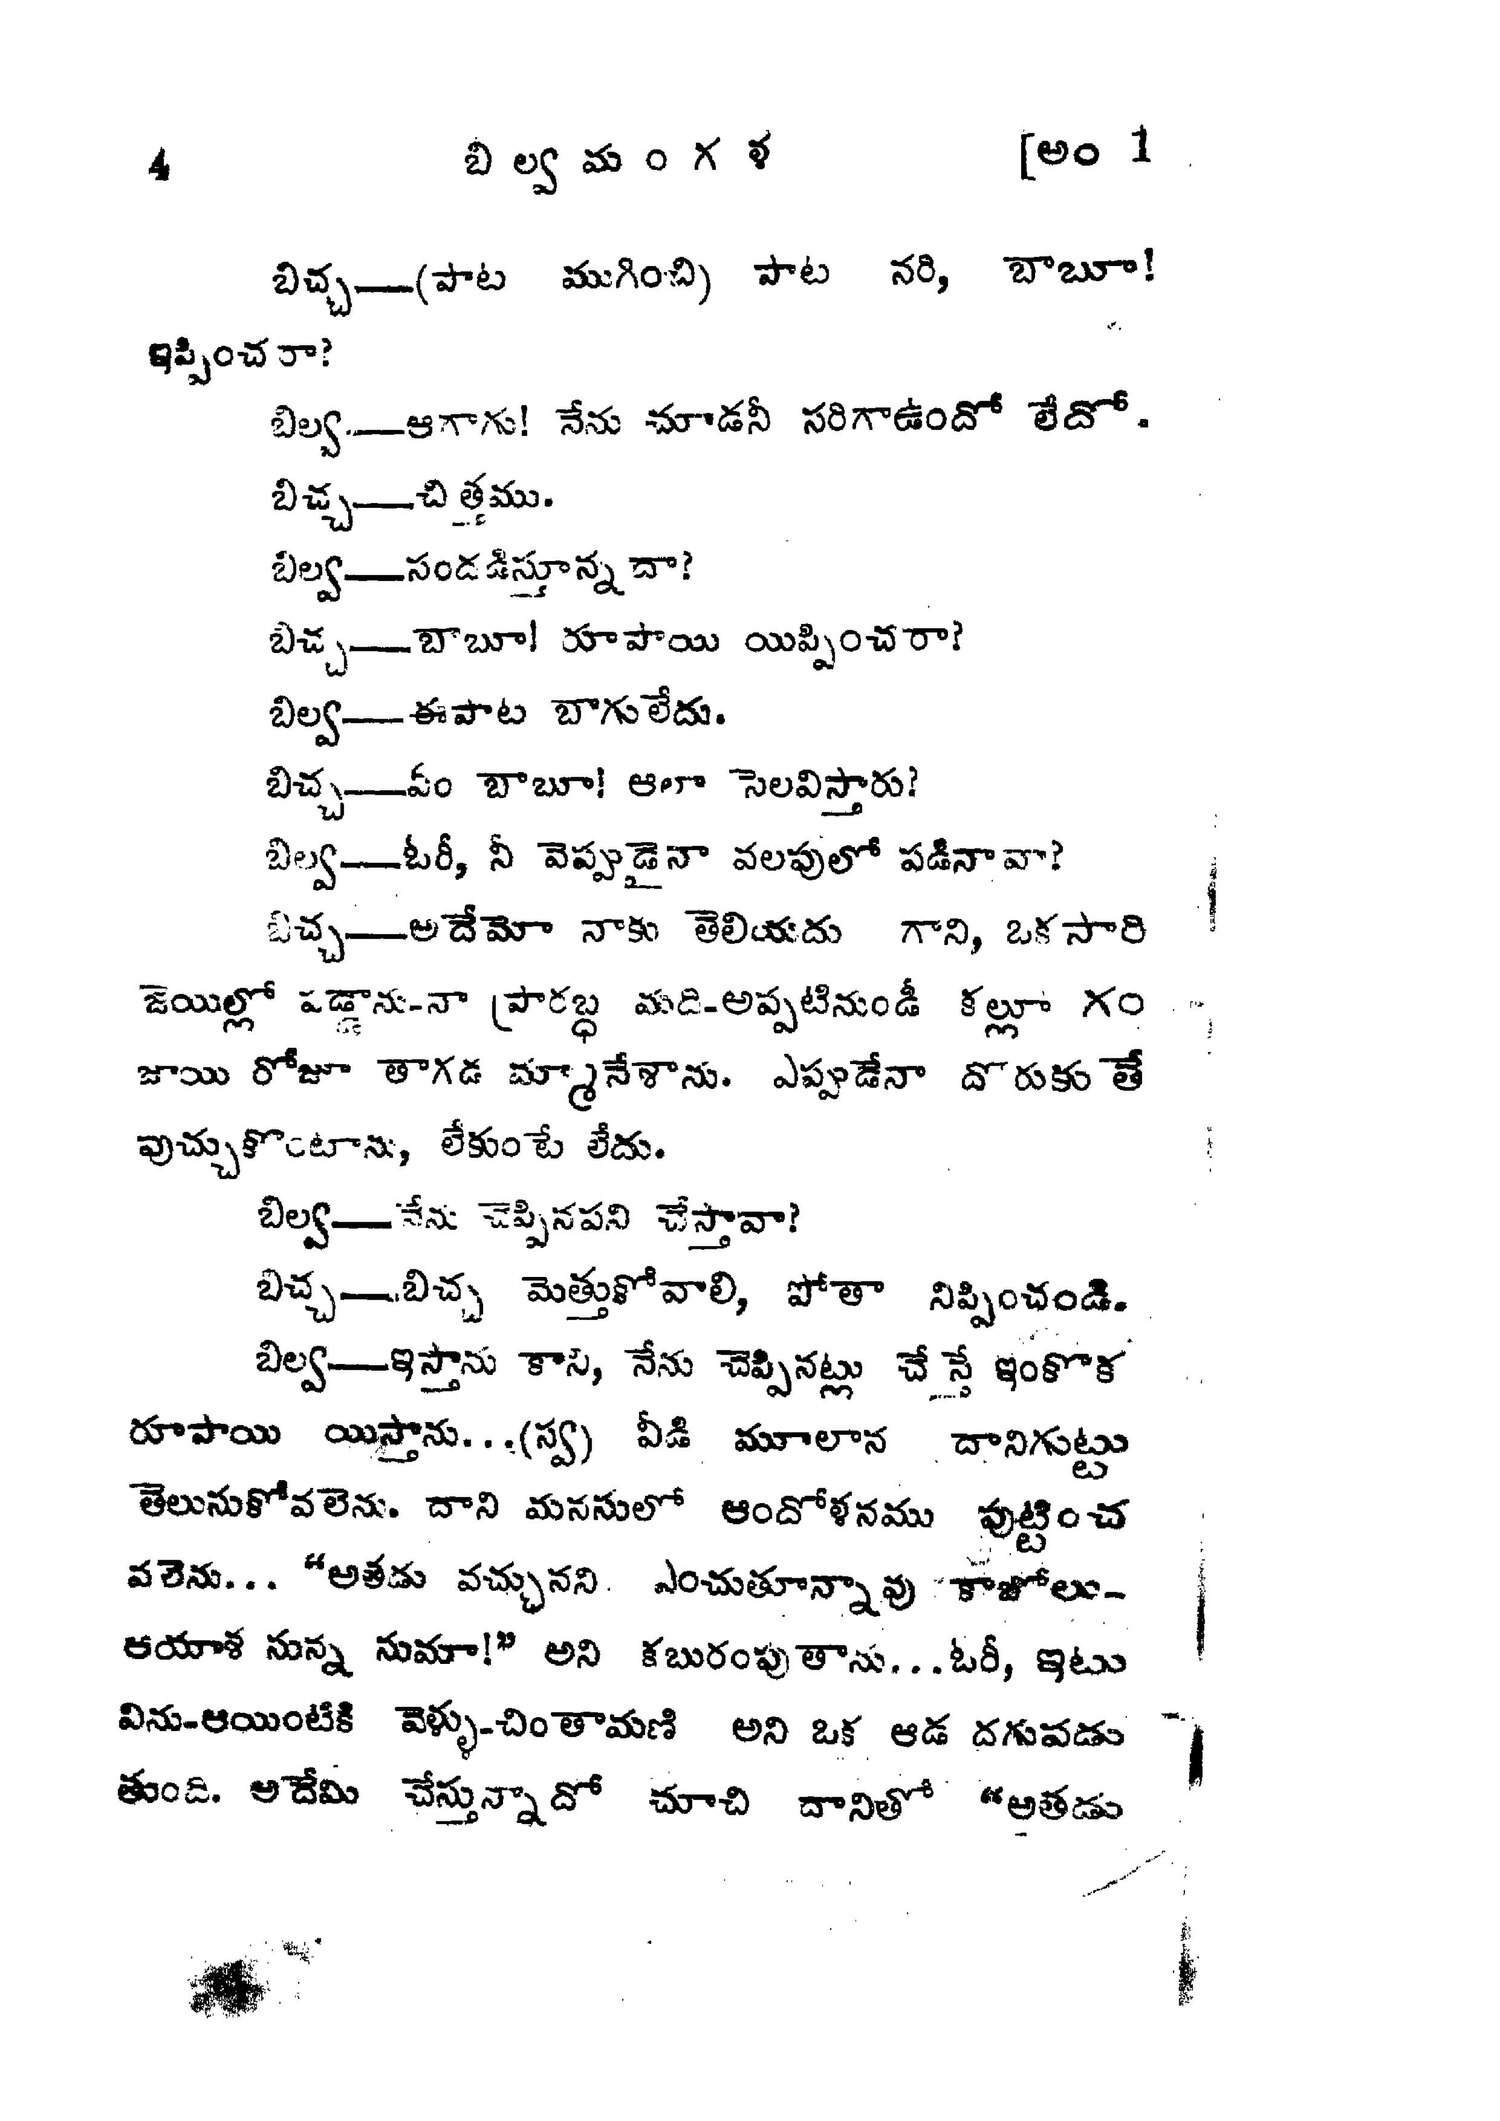బిచ్చ - (పాట ముగించి) పాట సరి, బాబూ! ఇప్పించరా?

బిల్వ - ఆగాగు! నేనుచూడనీ సరిగాఉందో లేదో.

బిచ్చ - చిత్తము.

బిల్వ - సందడిస్తూన్నదా?

బిచ్చ - బాబూ! రూపాయి యిప్పించరా?

బిల్వ - ఈపాట బాగులేదు.

బిచ్చ - ఏం బాబూ! ఆలా సెలవిస్తారు?

బిల్వ - ఓరీ, నీ వెప్పుడైనా వలపులో పడినావా?

బిచ్చ - అదేమో నాకు తెలియదు గాని, ఒకసారి జెయిల్లో పడ్డాను-నా ప్రారబ్ధ మది-అప్పటినుండీ కల్లూ గంజాయి రోజూ తాగడ మ్మానేశాను. ఎప్పుడేనా దొరకుతే పుచ్చుకొంటాను, లేకుంటే లేదు.

బిల్వ - నేను చెప్పినపని చేస్తావా?

బిచ్చ - బిచ్చ మెత్తుకోవాలి, పోతా నిప్పించండి.

బిల్వ - ఇస్తాను కాని, నేను చెప్పినట్లు చేస్తే ఇంకొక రూపాయి యిస్తాను...(స్వ) వీడి మూలాన దానిగుట్టు తెలుసుకోవలెను. దాని మనసులో ఆందోళనము పుట్టించవలెను..."అతడు వచ్చునని ఎంచుతూన్నావు కాబోలు - ఆయాశ సున్న సుమా!" అని కబురంపుతాను...ఓరీ, ఇటు విను-ఆయింటికి వెళ్ళు-చింతామణి అని ఒక ఆడ దగుపడు తుంది. అదేమి చేస్తున్నాదో చూచి దానితో "అతడు